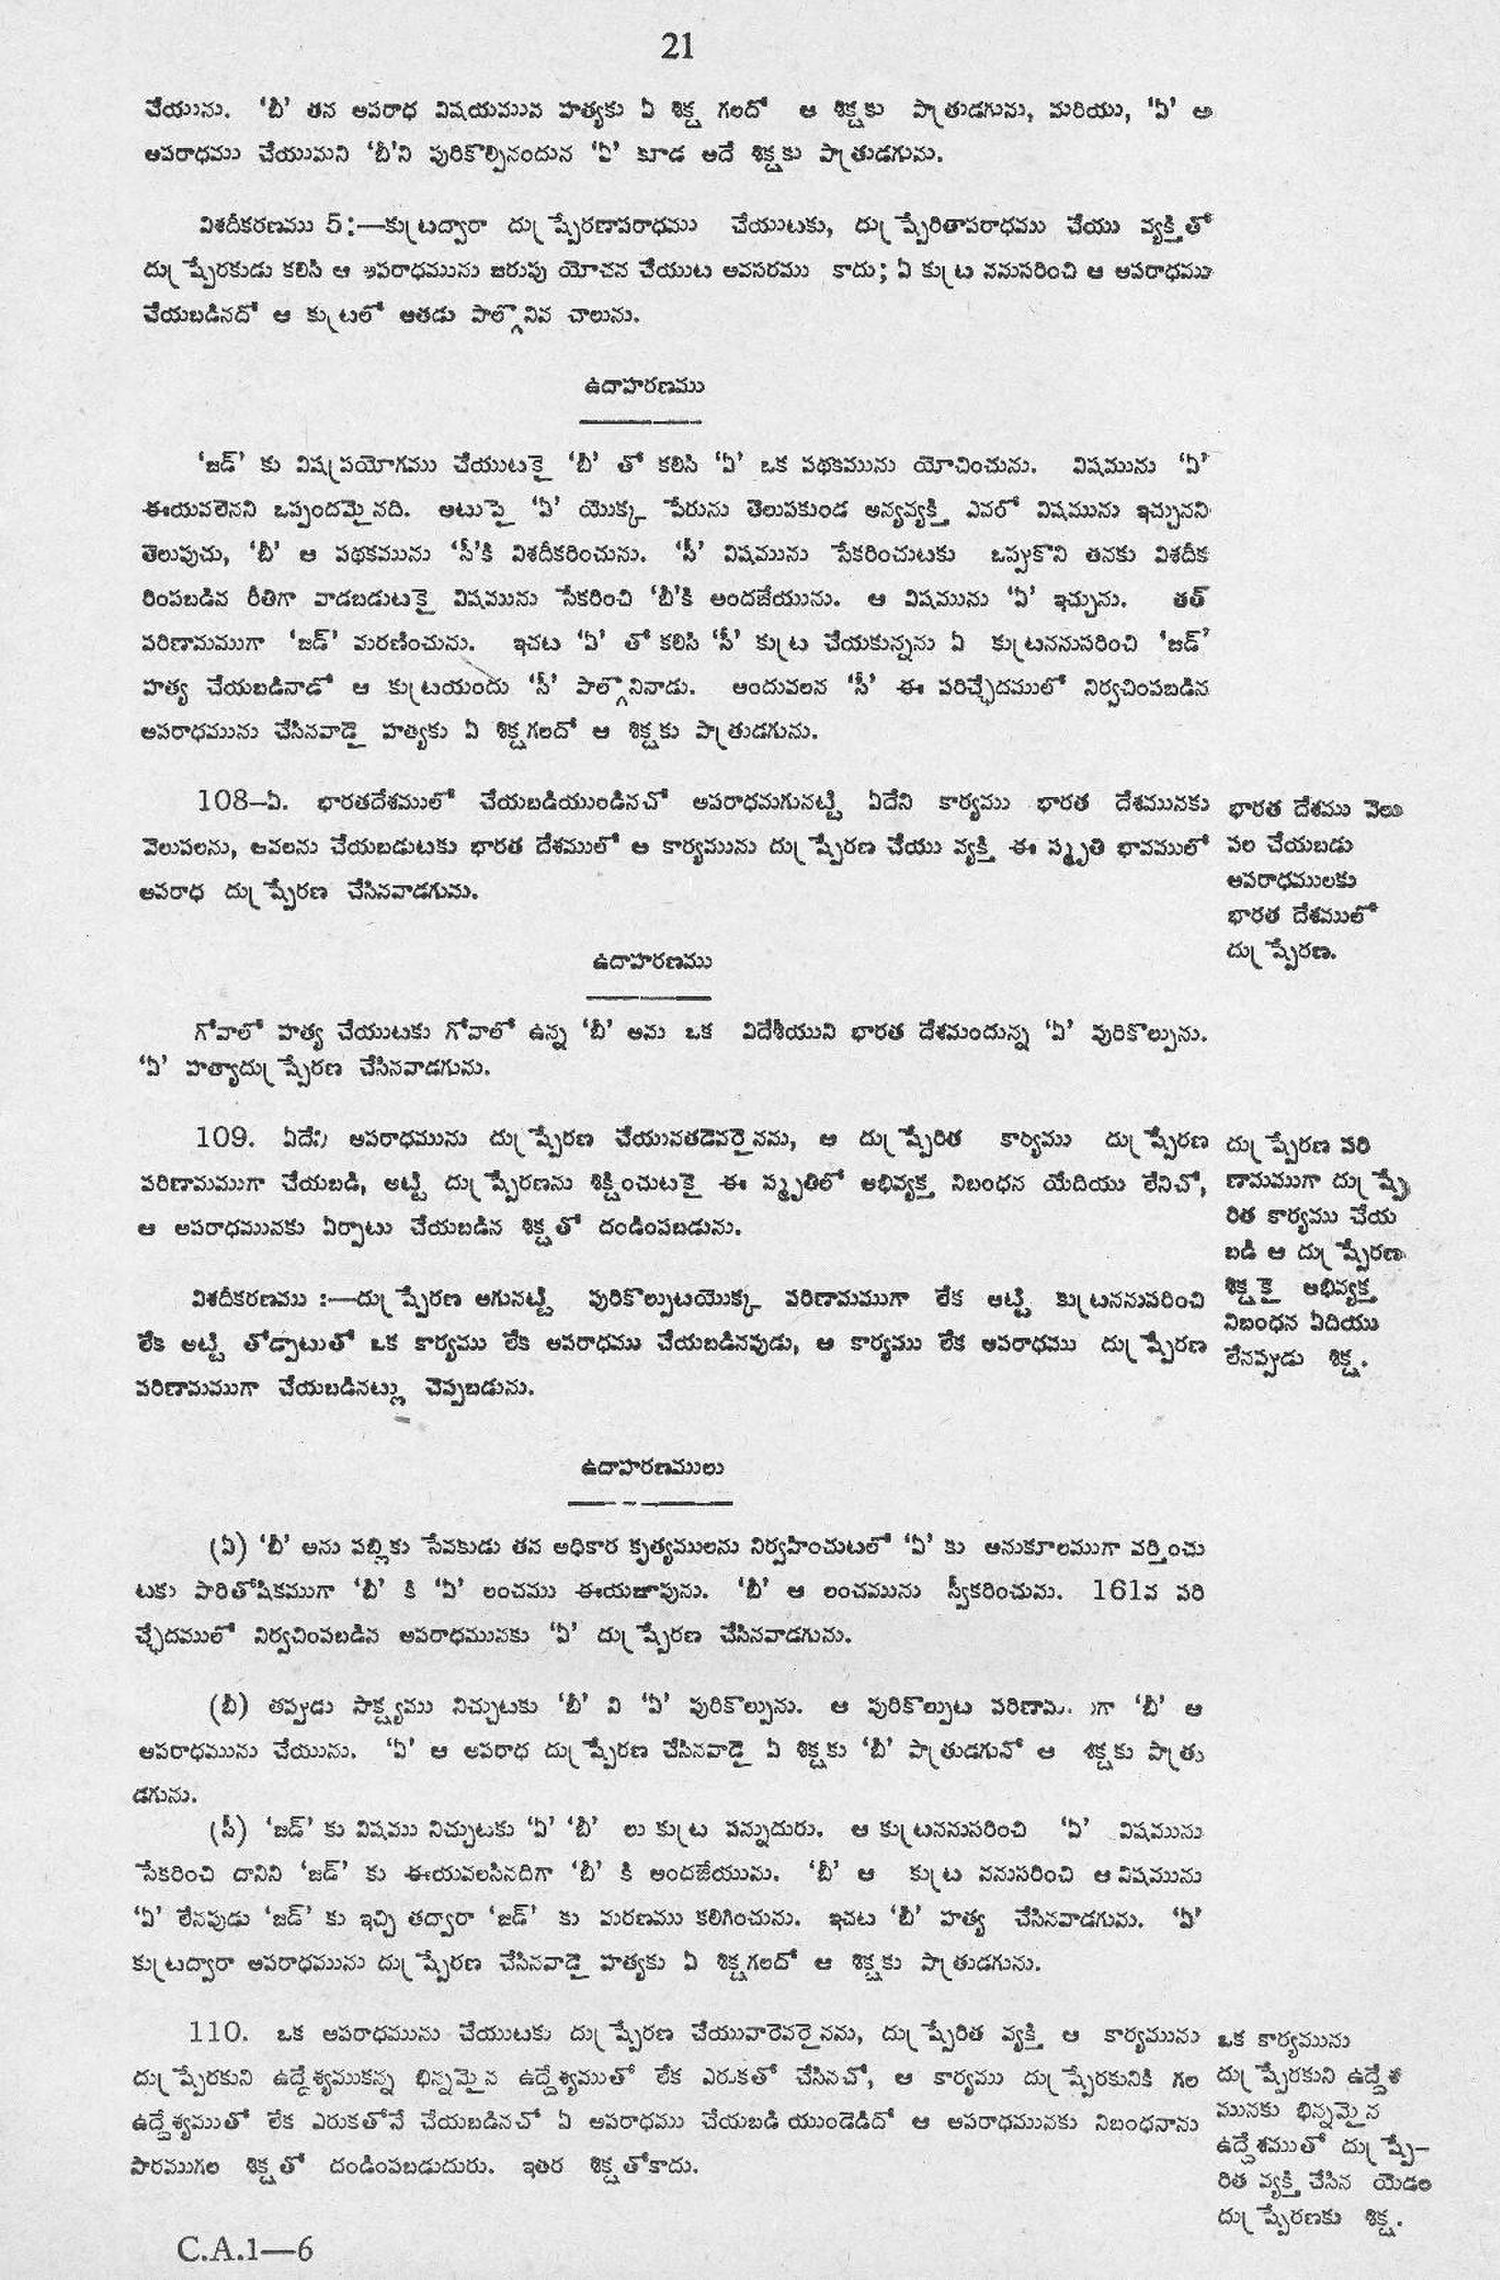చేయును, 'బీ' తన అపరాధ విషయమున హత్యకు ఏ శిక్ష గలదో ఆ శిక్షకు పాత్రుడగును, మరియు, 'ఏ' ఆ
అపరాధము చేయుమని 'బీ'ని పురికొల్పినందున 'ఏ' కూడ అదే శిక్షకు పాత్రుడగును.

విశదీకరణము 5:—కుట్రద్వారా దుష్ప్రేరణాపరాధము చేయుటకు, దుష్ప్రేరితాపరాధము చేయు వ్యక్తితో దుష్ప్రేరకుడు కలిసి ఆ ఆపరాధమును జరుపు యోచన చేయుట అవసరము కాదు; ఏ కుట్ర ననుసరించి ఆ అపరాధము చేయబడినదో ఆ కుట్రలో ఆతడు పాల్గొనిన చాలును.

'జడ్' కు విషప్రయోగము చేయుటకై 'బీ' తో కలిసి 'ఏ' ఒక పథకమును యోచించును. విషమును 'ఏ'
ఈయవలెనని ఒప్పందమైనది. ఆటుపై 'ఏ' యొక్క పేరును తెలుపకుండ అన్యవ్యక్తి ఎవరో విషమును ఇచ్చునని
తెలుపుచు, 'బీ' ఆ పథకమును 'సీ'కి విశదీకరించును. 'సీ' విషమును సేకరించుటకు ఒప్పుకొని తనకు విశదీక
రింపబడిన రీతిగా వాడబడుటకై విషమును సేకరించి 'బి'కి అందజేయును. ఆ విషమును 'ఏ' ఇచ్చును. తత్
పరిణామముగా 'జడ్' మరణించును. ఇచట 'ఏ' తో కలిసి 'సీ' కుట్ర చేయకున్నను ఏ కుట్రననుసరించి 'జడ్'
హత్య చేయబడినాడో ఆ కుట్రయందు 'సీ' పాల్గొనినాడు. అందువలన 'సీ' ఈ పరిచ్ఛేదములో నిర్వచింపబడిన
అపరాధమును చేసినవాడై హత్యకు ఏ శిక్ష గలదో ఆ శిక్షకు పాత్రుడగును.

భారత దేశము వెలుపల చేయబడు అపరాధములకు భారత దేశములో దుష్ప్రేరణ.

108-ఏ. భారతదేశములో చేయబడియుండినచో అపరాధమగునట్టి ఏదేని కార్యము భారత దేశమునకు వెలుపలను, ఆవలను చేయబడుటకు భారత దేశములో ఆ కార్యమును దుష్ప్రేరణ చేయు వ్యక్తి ఈ స్మృతి భావములో అపరాధ దుష్పరణ చేసినవాడగును.

గోవాలో హత్య చేయుటకు గోవాలో ఉన్న 'బీ' అను ఒక విదేశీయుని భారత దేశమందున్న 'ఏ' పురికొల్పును,
'ఏ' హత్యాదుష్ప్రేరణ చేసినవాడగును.

దుష్ప్రేరణ పరిణామముగా దుష్ప్రేరిత కార్యము చేయబడి ఆ దుష్ప్రేరణ శిక్షకై అభివ్యక్త నిబంధన యేదియు లేనప్పుడు శిక్ష 

109. ఏదేవి, అపరాధమును దుష్ప్రేరణ చేయునతడెవరైనను, ఆ దుష్ప్రేరిత కార్యము దుష్ప్రేరణ పరిణామముగా చేయబడి, అట్టి దుష్ప్రేరణను శిక్షించుటకై ఈ స్మృతిలో అభివ్యక్త నిబంధన యేదియు లేనిచో, ఆ అపరాధమునకు ఏర్పాటు చేయబడిన శిక్షతో దండింపబడును.

విశదీకరణము :-దు షేరణ అగునట్టి పురికొల్పుట యొక్క పరిణామముగా లేక అట్టి కుట్రనసుపరించి , అభివ్యక్ష
లేకి అట్టి తోడ్పాటుతో ఒక కార్యము లేక అపరాధము చేయబడినపుడు, ఆ కార్యము లేక అపరాధము దుష్పేరణ 
పరిణామముగా చేయబడినట్లు చెప్పబడును.

(ఏ) 'బీ' అను పబ్లికు సేవకుడు తన అధికార కృత్యములను నిర్వహించుటలో 'ఏ' కు అనుకూలముగా వర్తించు
టకు పారితోషికముగా 'బీ' కి 'ఏ' లంచము ఈయజూపును. 'బీ' ఆ లంచమును స్వీకరించును. 161వ పరిచ్ఛేదములో నిర్వచింపబడిన అపరాధమునకు 'ఏ' దుష్ప్రేరణ చేసినవాడగును,

(బీ) తప్పుడు సాక్ష్యము నిచ్చుటకు 'బి' ని 'ఏ' పురికొల్పును. ఆ పురికొల్పుట పరిణామముగా 'బి' ఆ అపరాధమును చేయును, 'ఏ' ఆ అపరాధ దుష్ప్రేరణ చేసినవాడై ఏ శిక్షకు 'బి' పాత్రుడగునో ఆ శిక్షకు పాత్రుడగును.

(సీ) 'జడ్' కు విషము నిచ్చుటకు 'ఏ' 'బి' లు కుట్ర పన్నుదురు, ఆ కుట్రననుసరించి 'ఏ' విషమును సేకరించి దానిని 'జడ్' కు ఈయవలసినదిగా 'బి' కి అందజేయును, 'బి' ఆ కుట్ర ననుసరించి ఆవిషమును 'ఏ' లేనపుడు 'జడ్' కు ఇచ్చి తద్వారా 'జడ్' కు మరణము కలిగించును. ఇచట 'బి' హత్య చేసినవాడగును. 'ఏ' కుట్రద్వారా అపరాధమును దుష్ప్రేరణ చేసినవాడై హత్యకు ఏ శిక్ష గలదో ఆ శిక్షకు పాత్రుడగును.

ఒక కార్యమును దుష్ప్రేరకుని ఉద్దేశ్యముకన్న భిన్నమైన ఉద్దేశ్యముతో దుష్ప్రేరిత వ్యక్తి చేసిన యెడల దుష్ప్రేరణకు శిక్ష.
 
110. ఒక ఆపరాధమును చేయుటకు దుష్ప్రేరణ చేయువారెవరైనను, దుష్ప్రేరిత వ్యక్తి ఆ కార్యమును దుష్ప్రేరకుని ఉద్దేశ్యముకన్న భిన్నమైన ఉద్దేశ్యముతో లేక ఎరుకతో చేసినచో, ఆ కార్యము దుష్ప్రేరకునికి గల ఉద్దేశ్యముతో లేక ఎరుకతోనే చేయబడినచో ఏ అపరాధము చేయబడి యుండెడిదో ఆ అపరాధమునకు నిబంధనానుసారముగల శిక్షతో దండింపబడుదురు. ఇతర శిక్ష తోకాదు.